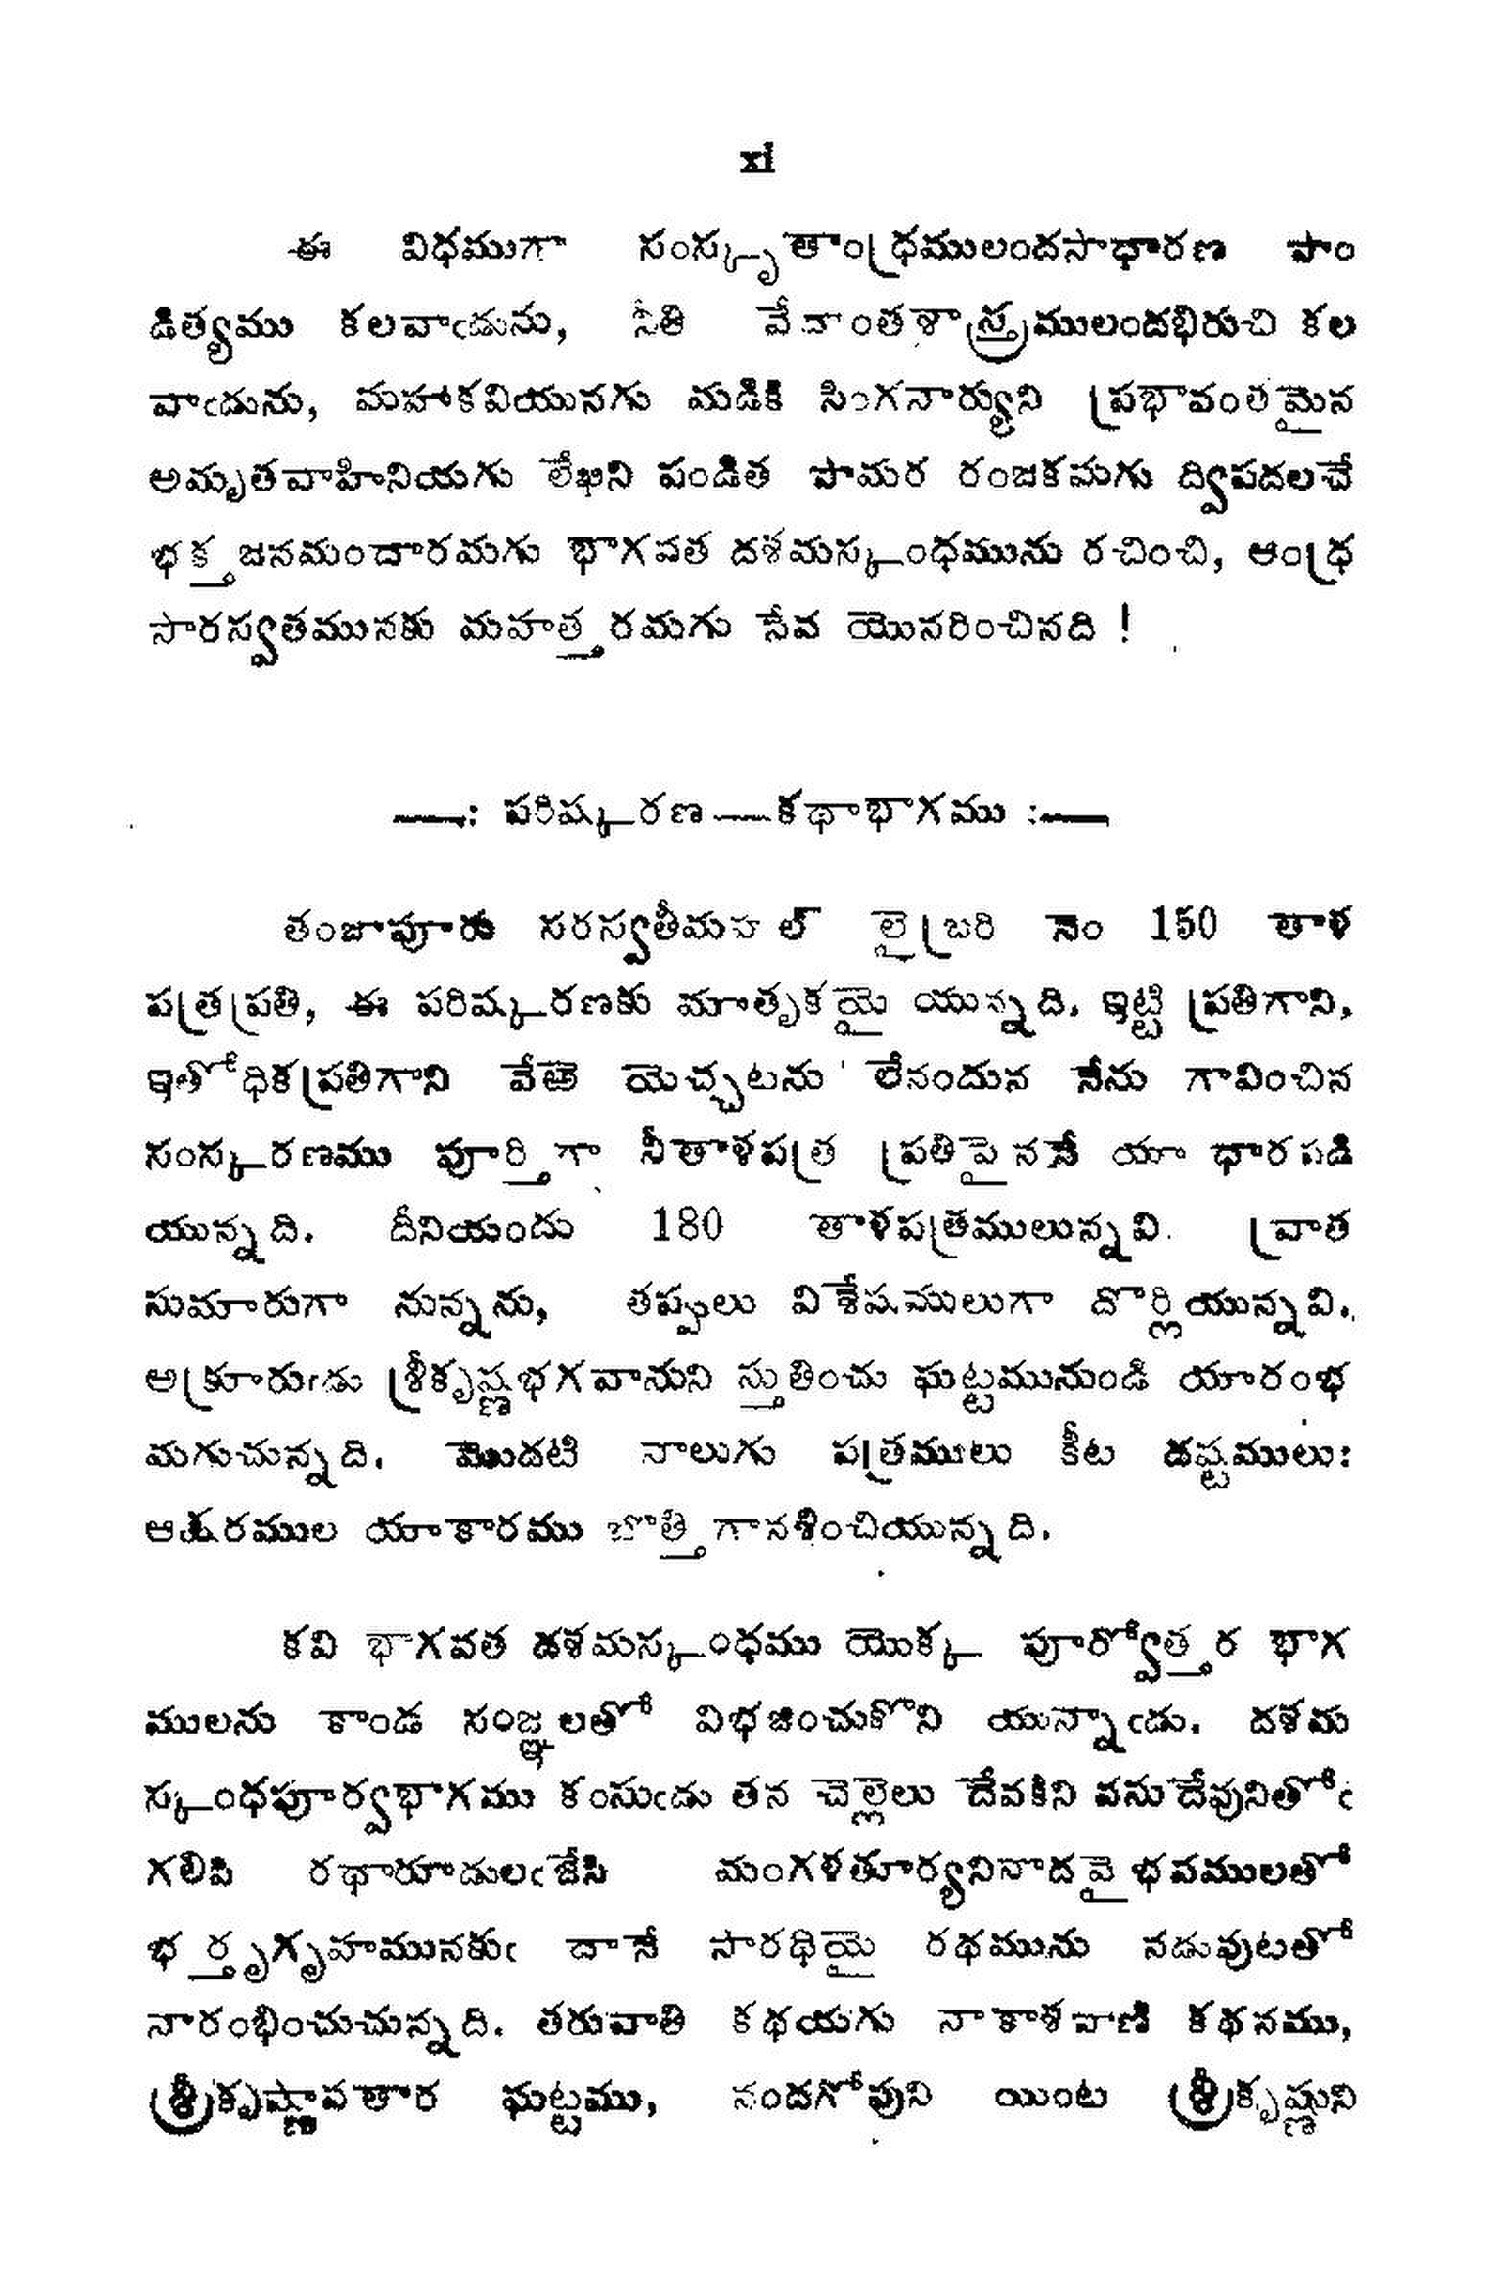ఈ విధముగా సంస్కృతాంధ్రములందసాధారణ పాండిత్యము కలవాఁడును, నీతి వేదాంతశాస్త్రము లందభిరుచి కలవాఁడును, మహాకవియు నగు మడికి సింగనార్యుని ప్రభావంతమైన అమృతవాహిని యగు లేఖిని పండిత పామర రంజక మగు ద్విపదలచే భక్తజనమందార మగు భాగవత దశమస్కంధమును రచించి, ఆంధ్రసారస్వతమునకు మహత్తర మగు సేవ యొనరించినది! 
పరిష్కరణ — కథా విభాగము
తంజావూరు సరస్వతీమహల్ లైబ్రెరీ నెం 150 తాళపత్రప్రతి, ఈ పరిష్కరణకు మాతృకయై యున్నది. ఇట్టి ప్రతిగాని, ఇతోధికప్రతిగాని వేఱే ఎచ్చటను లేనందున నేను గావించిన సంస్కరణము పూర్తిగా నీతాళపత్ర ప్రతిపైననే యాధారపడి యున్నది. దీనియందు 180 తాళపత్రములున్నవి. వ్రాత సుమారుగా నున్నను, తప్పులు విశేషముగా దొర్లియున్నవి. అక్రూరుడు శ్రీకృష్ణభగవానుని స్తుతించు ఘట్టమునుండి యారంభమగుచున్నది. మొదటి నాలుగు పత్రములు కీట దష్టములు: అక్షరముల యాకారము బొత్తిగా నశించియున్నది.

కవి భాగవత దశమస్కంధము యొక్క పూర్వోత్తర భాగములను కాండ సంజ్ఞలతో విభజించుకొని యున్నాడు. దశమ స్కంధ పూర్వభాగము కంసుడు తన చెల్లెలు దేవకిని వసుదేవునితోఁ గలిపి రథారూడులఁ జేసి మంగళతూర్యనినాద వైభవములతో భర్తృగృహమునకుఁ దానే సారథియై రథమును నడుపుటతో నారంభించుచున్నది. తరువాతి కథయగు నాకాశవాణి కథనము, శ్రీకృష్ణావతార ఘట్టము, నందగోపుని యింట శ్రీకృష్ణుని